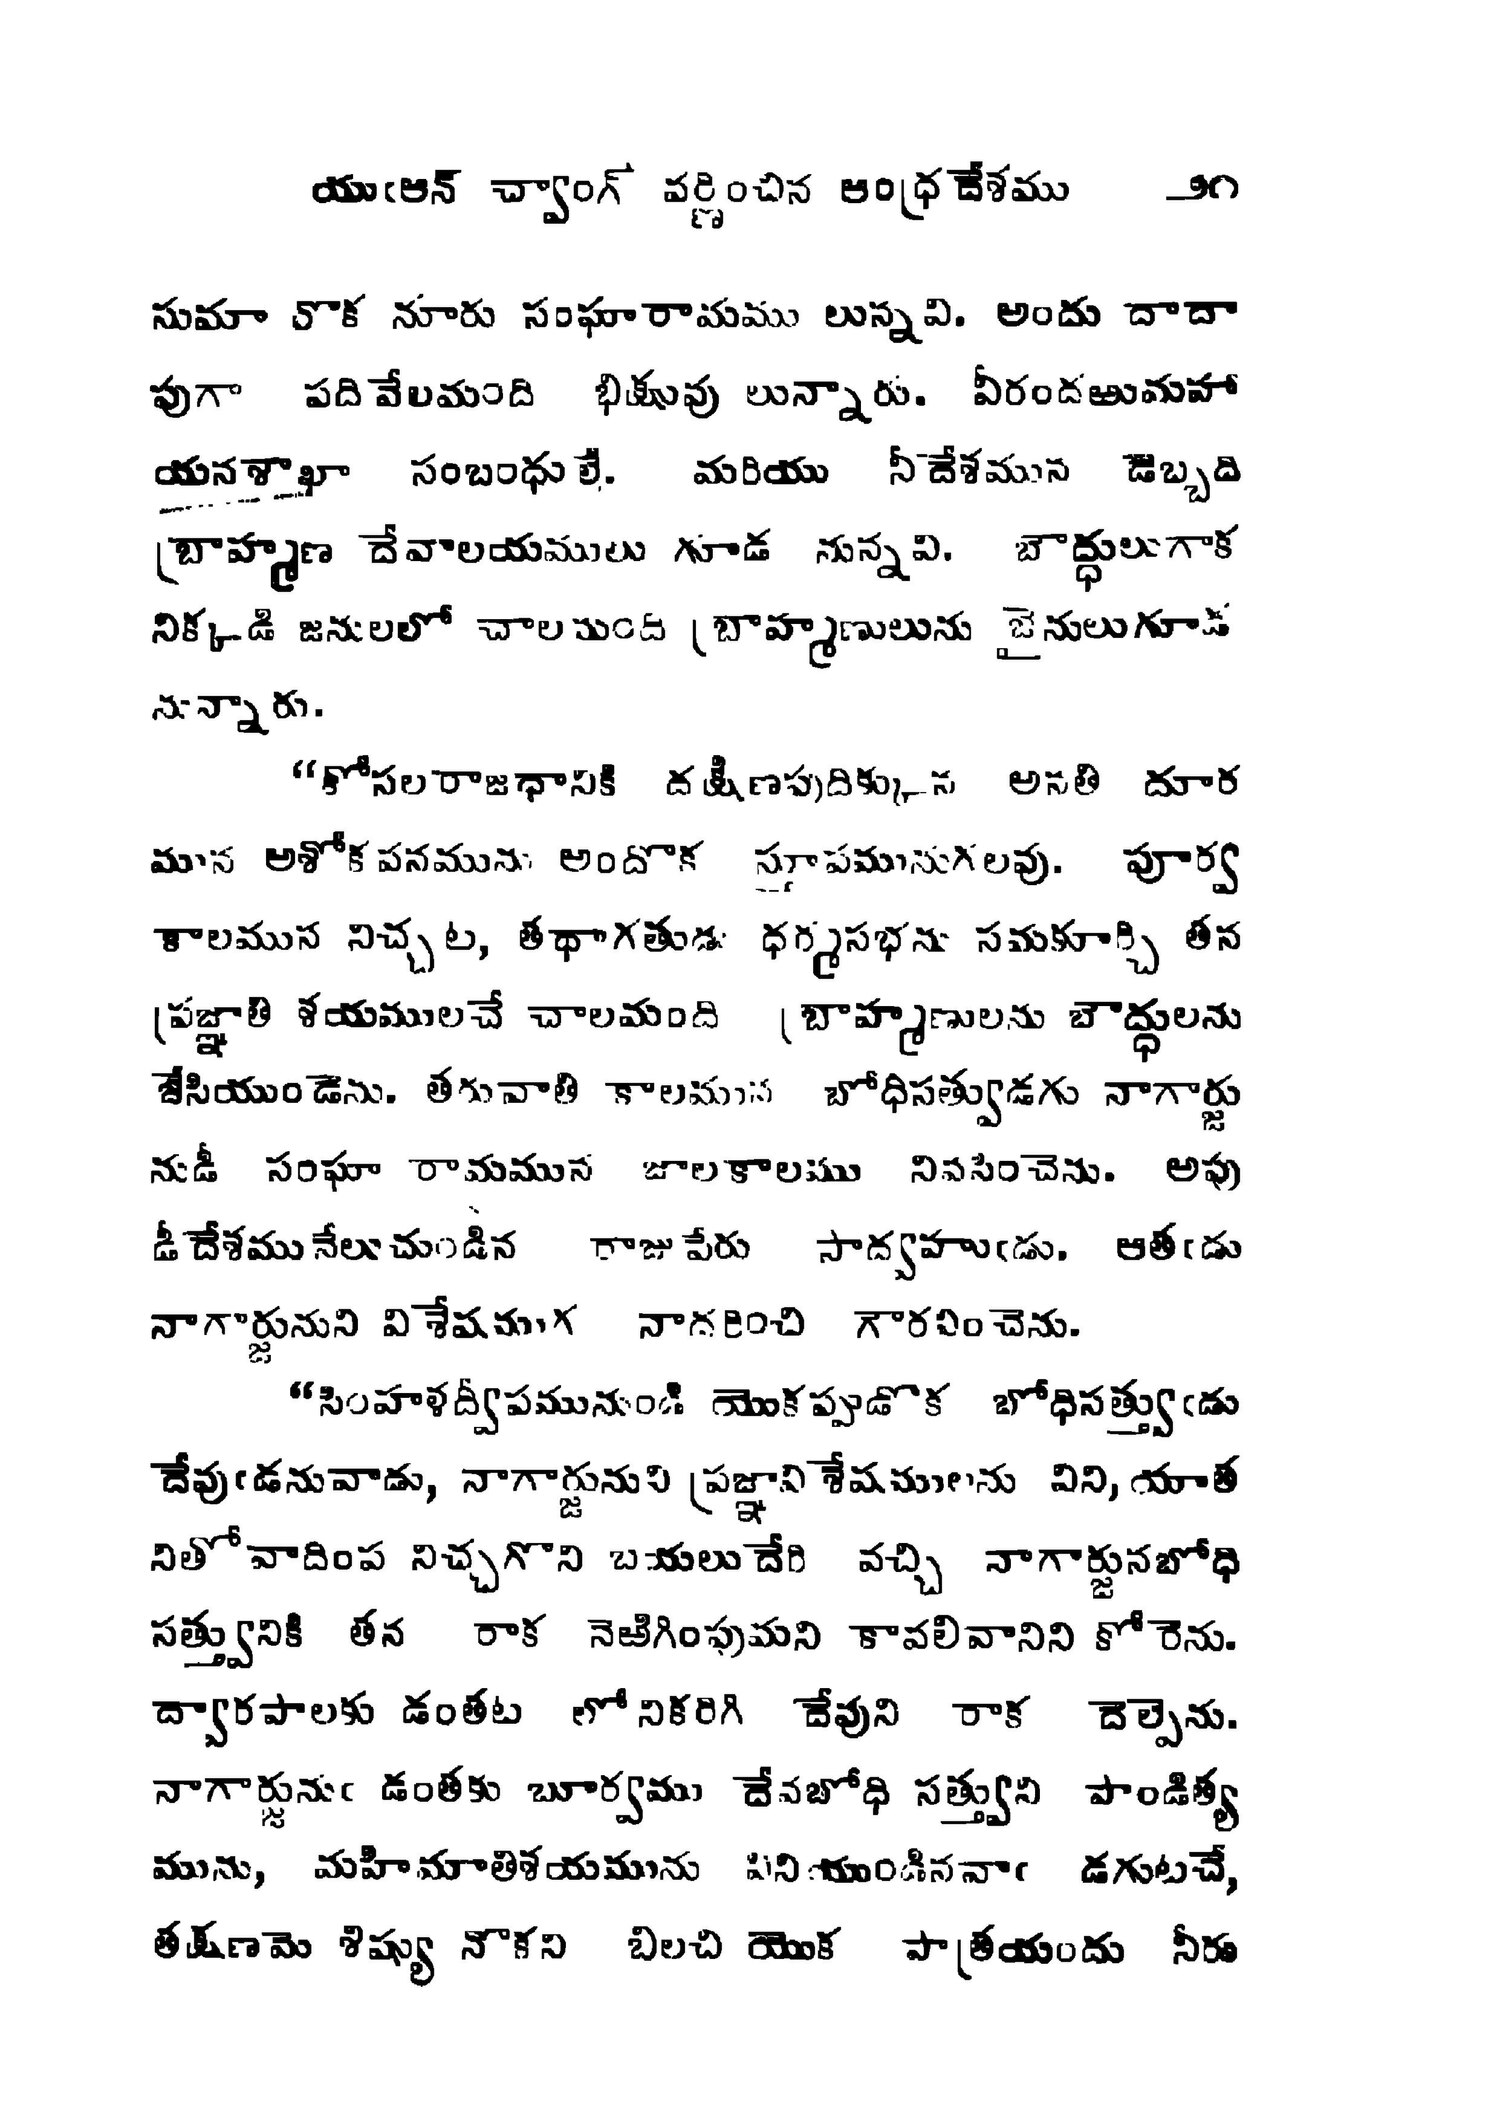సుమా రొక నూరు సంఘారామము లున్నవి.అందు దాదాపుగా పది వేలమంది భిక్షువులున్నారు. వీరందఱు మహాయానశాఖా సంబంధులే. మరియు నీదేశమున డెబ్బది బ్రాహ్మాణ దేవాలయములు గూడ నున్నవి. బౌద్ధులుగాక నిక్కడి జనులలో చాలమంది బ్రాగ్మాణులును జైనులు గూడ నున్నారు.

"కోసల రాజధానికి దక్షిణపుదిక్కున అనతి దూరమున అశోకవనమును అందొక స్తూపమును కలవు. పూర్వ కాలమున నిచ్చట తథాగతుడు ధర్మసభను సమకూర్చి తన ప్రజ్ఞాతి శయములచే చాలమంది బ్రాహ్మాణులను బౌద్ధులను జేసియుండెను. తరువాతి కాలమున బోధిసత్వుడగు నాగార్జునుడీ సంఘారామమున జాలకాలము నివసించెను. అపుడీదేశము నేలుచుండిన రాజుపేరు సాద్వహుడు. అతడు నాగార్జునుని విశేషముగ నాదరించి గౌరవించెను.

"సింహళద్వీపము నుండి యొకప్పుడొక బోధిసత్త్వుడు దేవుడనువాడు, నాగార్జునుని ప్రజ్ఞావిశేషములను విని, యాతనితో వాదింప నిచ్చగొని బయలుదేరి వచ్చి నాగార్జున బోధిసత్త్వునికి తనరాక నెఱిగింపుమని కావలి వానిని కోరెను. ద్వారపాలకుడంతట లోనికరిగి దేవుని రాకదెల్పెను. నాగార్జునుడంతకు బూర్వము దేవబోధి సత్త్వుని పాండిత్యమును, మహిమాతిశయమును వినియుండిన వాఁడగుటచే, తక్షణమె శిష్యునొకని బిలచి యొకపాత్ర యందు నీరు